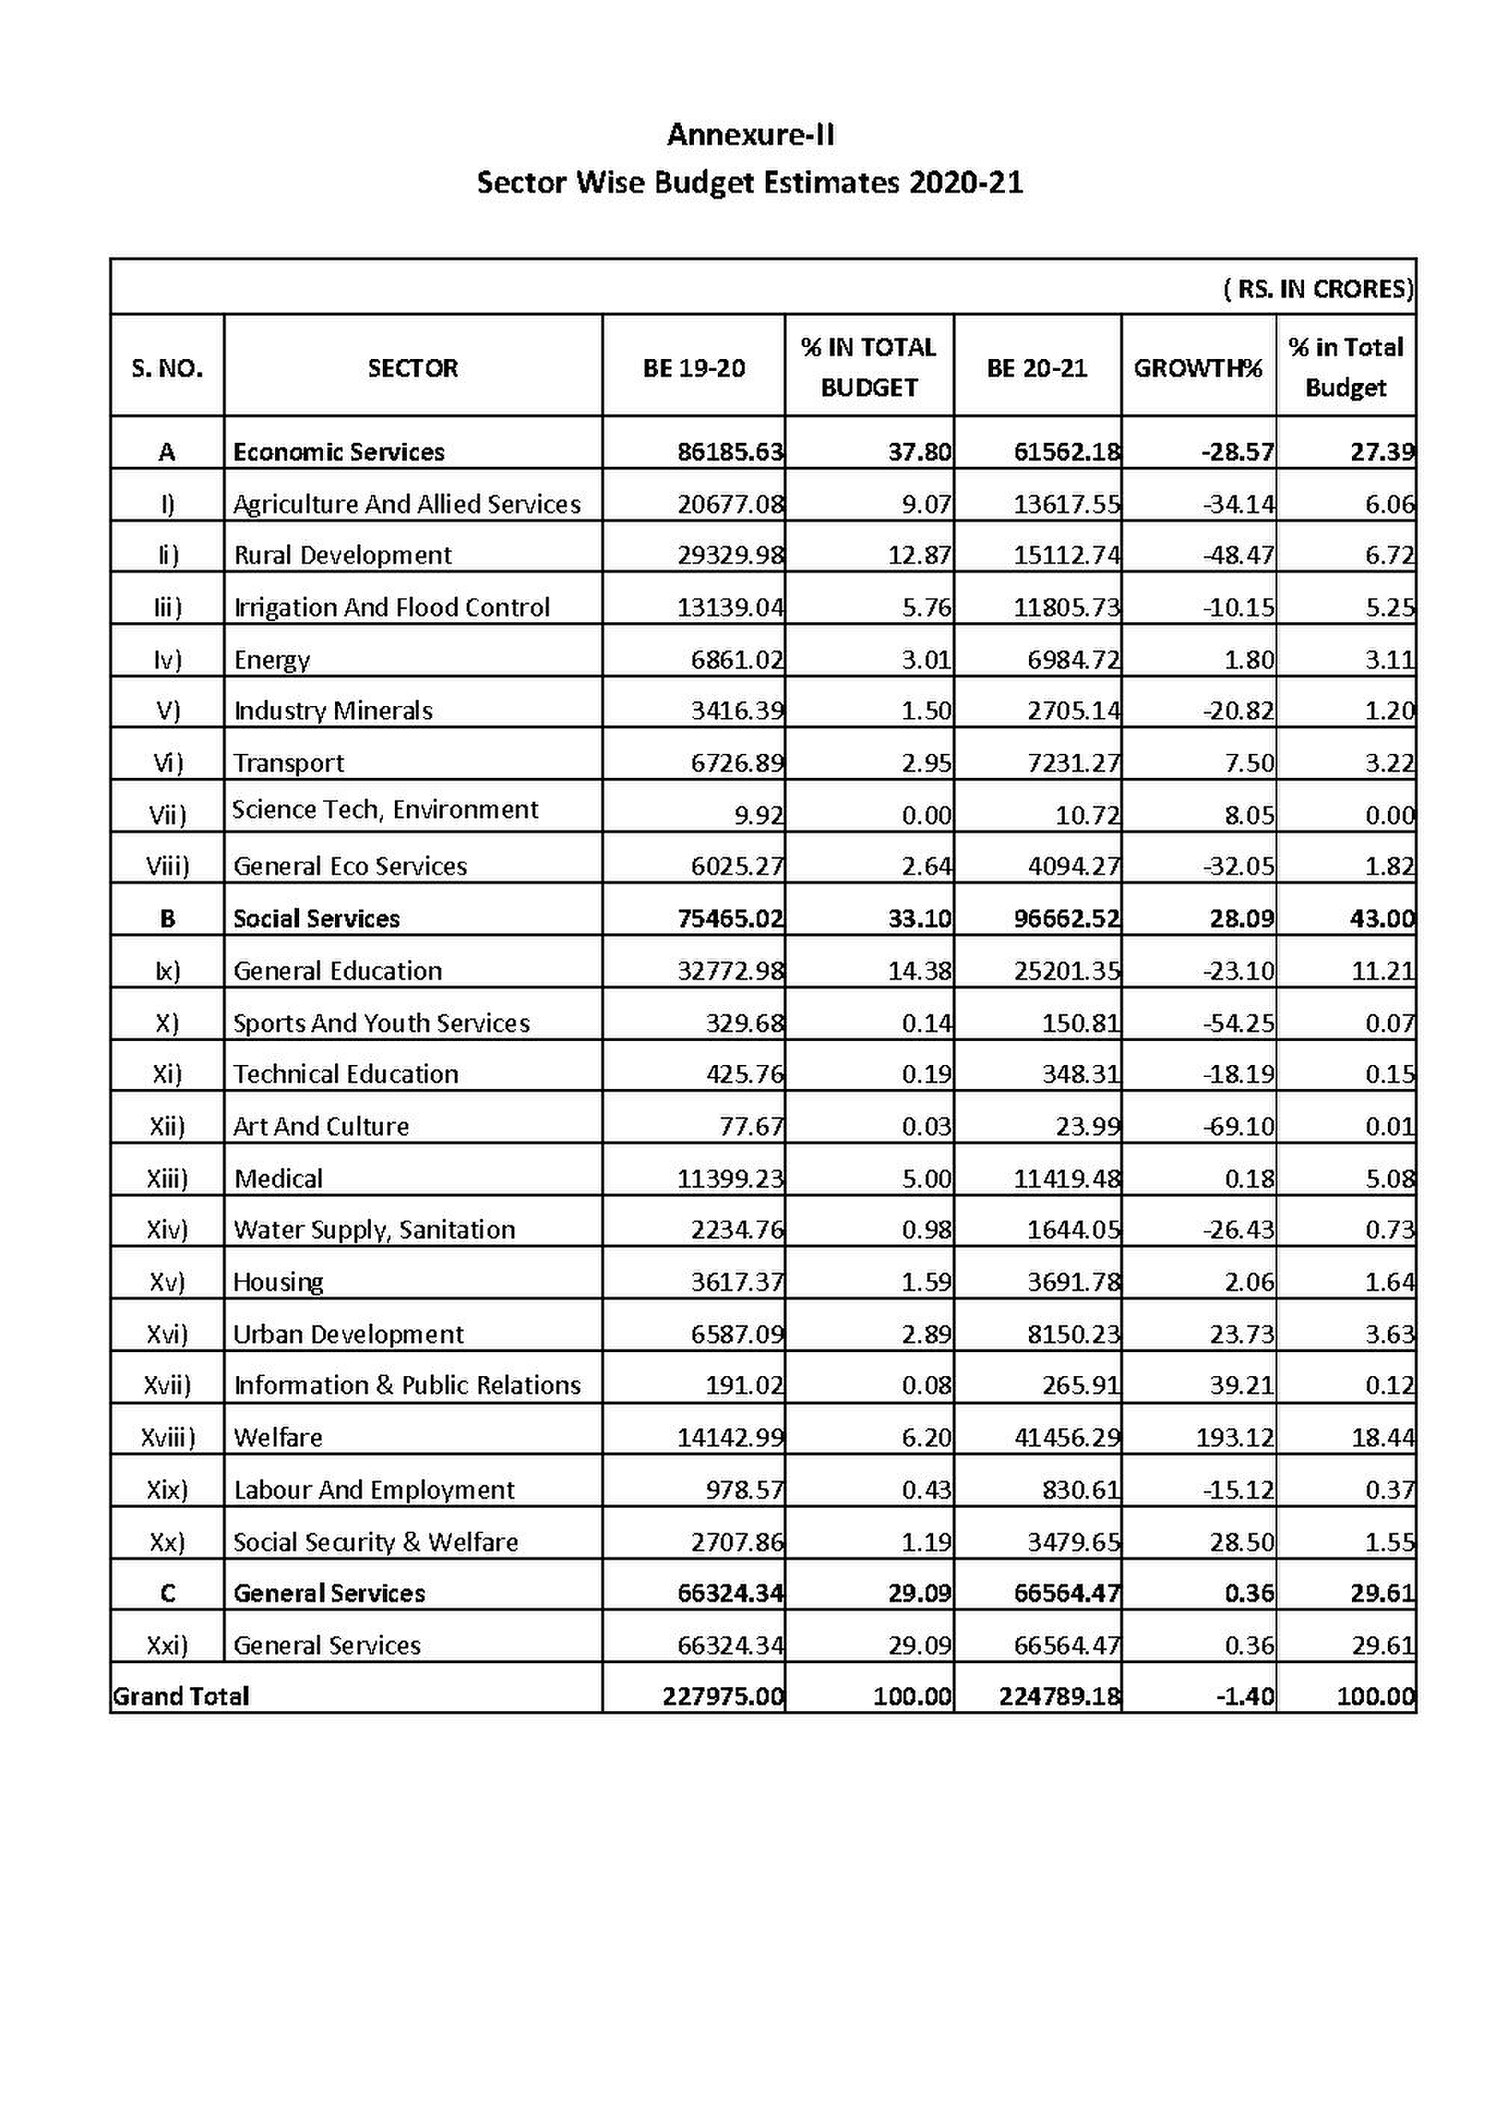Annexure-II
Sector Wise Budget Estimates 2020-21 (Rs in Crores)
 S. NO. SECTOR BE 19-20 % IN TOTAL BUDGET BE 20-21 GROWTH% % in Total Budget A Economic Services 86185.63 37.8 61562.18 -28.57 27.39 I) Agriculture And Allied Services 20677.08 9.07 13617.55 -34.14 6.06 Ii) Rural Development 29329.98 12.87 15112.74 -48.47 6.72 Iii) Irrigation And Flood Control 13139.04 5.76 11805.73 -10.15 5.25 Iv) Energy 6861.02 3.01 6984.72 1.8 3.11 V) Industry Minerals 3416.39 1.5 2705.14 -20.82 1.2 Vi) Transport 6726.89 2.95 7231.27 7.5 3.22 Vii) Science Tech, Environment 9.92 0 10.72 8.05 0 Viii) General Eco Services 6025.27 2.64 4094.27 -32.05 1.82 B Social Services 75465.02 33.1 96662.52 28.09 43 Ix) General Education 32772.98 14.38 25201.35 -23.1 11.21 X) Sports And Youth Services 329.68 0.14 150.81 -54.25 0.07 Xi) Technical Education 425.76 0.19 348.31 -18.19 0.15 Xii) Art And Culture 77.67 0.03 23.99 -69.1 0.01 Xiii) Medical 11399.23 5 11419.48 0.18 5.08 Xiv) Water Supply, Sanitation 2234.76 0.98 1644.05 -26.43 0.73 Xv) Housing 3617.37 1.59 3691.78 2.06 1.64 Xvi) Urban Development 6587.09 2.89 8150.23 23.73 3.63 Xvii) Information & Public Relations 191.02 0.08 265.91 39.21 0.12 Xviii) Welfare 14142.99 6.2 41456.29 193.12 18.44 Xix) Labour And Employment 978.57 0.43 830.61 -15.12 0.37 Xx) Social Security & Welfare 2707.86 1.19 3479.65 28.5 1.55 C General Services 66324.34 29.09 66564.47 0.36 29.61 Xxi) General Services 66324.34 29.09 66564.47 0.36 29.61 Grand Total 227975 100 224789.18 -1.4 100